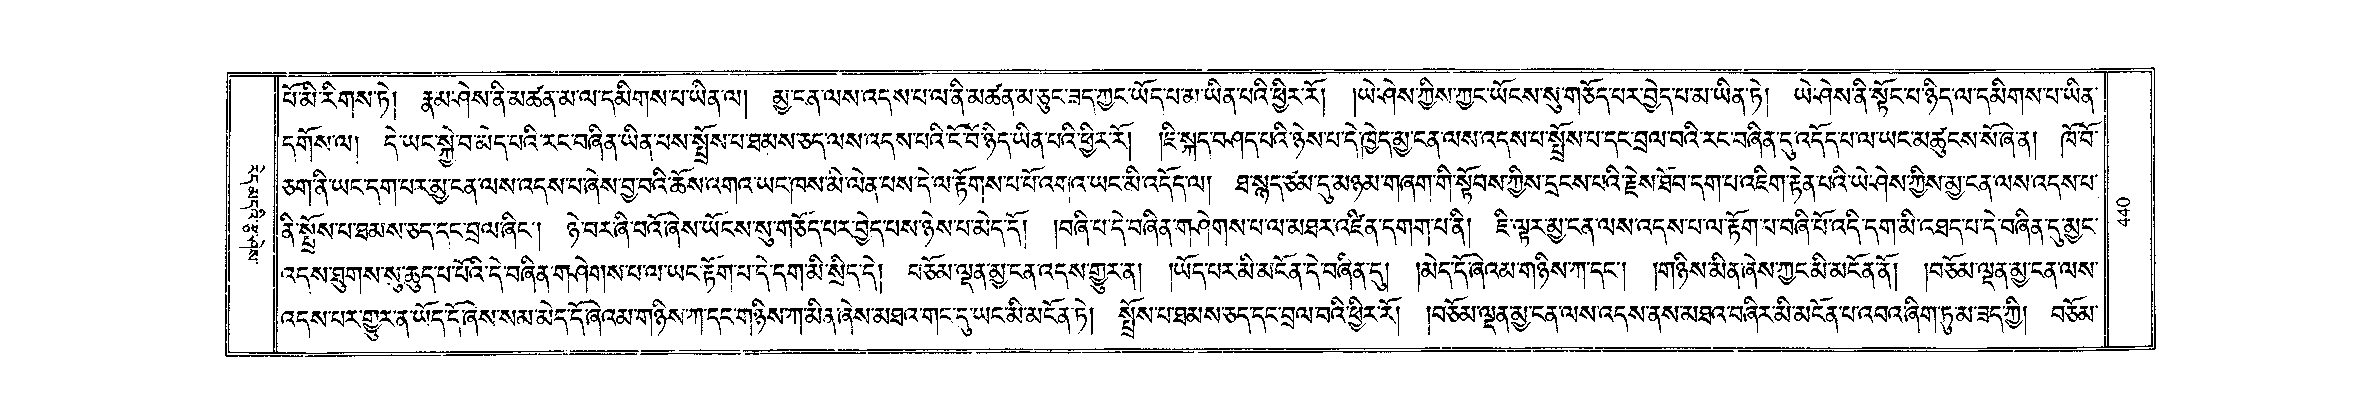པོ་མི་རིགས་ཏེ། རྣམ་ཤེས་ནི་མཚན་མ་ལ་དམིགས་པ་ཡིན་ལ། མྱ་ངན་ལས་འདས་པ་ལ་ནི་མཚན་མ་ཅུང་ཟད་ཀྱང་ཡོད་པ་མ་ཡིན་པའི་ཕྱིར་རོ། །ཡེ་ཤེས་ཀྱིས་ཀྱང་ཡོངས་སུ་གཅོད་པར་བྱེད་པ་མ་ཡིན་ཏེ། ཡེ་ཤེས་ནི་སྟོང་པ་ཉིད་ལ་དམིགས་པ་ཡིན་
དགོས་ལ། དེ་ཡང་སྐྱེ་བ་མེད་པའི་རང་བཞིན་ཡིན་པས་སྤྲོས་པ་ཐམས་ཅད་ལས་འདས་པའི་ངོ་བོ་ཉིད་ཡིན་པའི་ཕྱིར་རོ། །ཇི་སྐད་བཤད་པའི་ཉེས་པ་དེ་ཁྱེད་མྱ་ངན་ལས་འདས་པ་སྤྲོས་པ་དང་བྲལ་བའི་རང་བཞིན་དུ་འདོད་པ་ལ་ཡང་མཚུངས་སོ་ཞེ་ན། ཁོ་བོ་
ཅག་ནི་ཡང་དག་པར་མྱ་ངན་ལས་འདས་པ་ཞེས་བྱ་བའི་ཆོས་འགའ་ཡང་ཁས་མི་ལེན་པས་དེ་ལ་རྟོགས་པ་པོ་འགའ་ཡང་མི་འདོད་ལ། ཐ་སྙད་ཙམ་དུ་མཉམ་གཞག་གི་སྟོབས་ཀྱིས་དྲངས་པའི་རྗེས་ཐོབ་དག་པ་འཇིག་རྟེན་པའི་ཡེ་ཤེས་ཀྱིས་མྱ་ངན་ལས་འདས་པ་
ནི་སྤྲོས་པ་ཐམས་ཅད་དང་བྲལ་ཞིང་། ཉེ་བར་ཞི་བའོ་ཞེས་ཡོངས་སུ་གཅོད་པར་བྱེད་པས་ཉེས་པ་མེད་དོ། །བཞི་པ་དེ་བཞིན་གཤེགས་པ་ལ་མཐར་འཛིན་དགག་པ་ནི། ཇི་ལྟར་མྱ་ངན་ལས་འདས་པ་ལ་རྟོག་པ་བཞི་པོ་འདི་དག་མི་འཐད་པ་དེ་བཞིན་དུ་མྱང་
འདས་ཐུགས་སུ་ཆུད་པ་པོའི་དེ་བཞིན་གཤེགས་པ་ལ་ཡང་རྟོག་པ་དེ་དག་མི་སྲིད་དེ། བཅོམ་ལྡན་མྱ་ངན་འདས་གྱུར་ན། །ཡོད་པར་མི་མངོན་དེ་བཞིན་དུ། །མེད་དོ་ཞེའམ་གཉིས་ཀ་དང་། །གཉིས་མིན་ཞེས་ཀྱང་མི་མངོན་ནོ། །བཅོམ་ལྡན་མྱ་ངན་ལས་
འདས་པར་གྱུར་ན་ཡོད་དོ་ཞེས་སམ་མེད་དོ་ཞེའམ་གཉིས་ཀ་དང་གཉིས་ཀ་མིན་ཞེས་མཐའ་གང་དུ་ཡང་མི་མངོན་ཏེ། སྤྲོས་པ་ཐམས་ཅད་དང་བྲལ་བའི་ཕྱིར་རོ། །བཅོམ་ལྡན་མྱ་ངན་ལས་འདས་ནས་མཐའ་བཞིར་མི་མངོན་པ་འབའ་ཞིག་ཏུ་མ་ཟད་ཀྱི། བཅོམ་